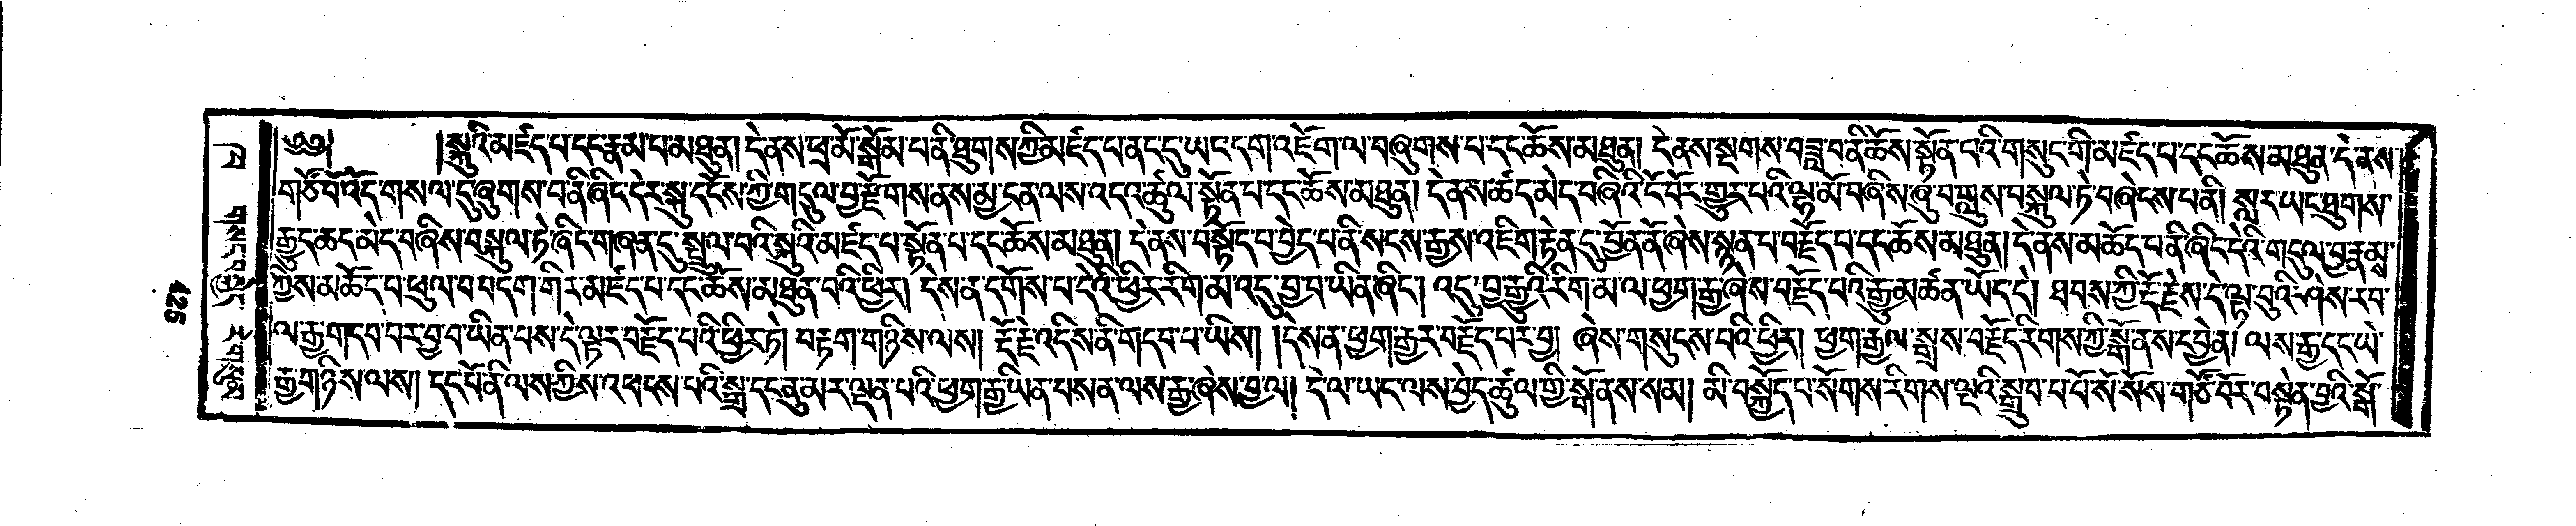༄༅། །སྐུའི་མཛད་པ་དང་རྣམ་པ་མཐུན། དེ་ནས་ཕྲ་མོ་སྒོམ་པ་ནི་ཐུགས་ཀྱི་མཛད་པ་ནང་དུ་ཡང་དག་འཇོག་ལ་བཞུགས་པ་དང་ཆོས་མཐུན། དེ་ནས་སྔགས་བཟླ་བ་ནི་ཆོས་སྟོན་པའི་གསུང་གི་མཛད་པ་དང་ཆོས་མཐུན། དེ་ནས་
གཙོ་བོ་འོད་གསལ་དུ་ཞུགས་པ་ནི་ཞིང་དེར་སྐུ་དངོས་ཀྱི་གདུལ་བྱ་རྫོགས་ནས་མྱ་ངན་ལས་འདའ་ཚུལ་སྟོན་པ་དང་ཆོས་མཐུན། དེ་ནས་ཚད་མེད་བཞིའི་ངོ་བོར་གྱུར་པའི་ལྷ་མོ་བཞིས་ཞུ་བ་གླུས་བསྐུལ་ཏེ་བཞེངས་པ་ནི། སླར་ཡང་ཐུགས་
རྒྱུད་ཆད་མེད་བཞིས་བསྐུལ་ཏེ་ཞིང་གཞན་དུ་སྤྲུལ་པའི་སྐུའི་མཛད་པ་སྟོན་པ་དང་ཆོས་མཐུན། དེ་ནས་བསྟོད་པ་བྱེད་པ་ནི་སངས་རྒྱས་འཇིག་རྟེན་དུ་བྱོན་ནོ་ཞེས་སྙན་པ་བརྗོད་པ་དང་ཆོས་མཐུན། དེ་ནས་མཆོད་པ་ནི་ཞིང་དེའི་གདུལ་བྱ་རྣམས་
ཀྱིས་མཆོད་པ་ཕུལ་བ་བདག་གིར་མཛད་པ་དང་ཆོས་མཐུན་པའི་ཕྱིར། དེས་ན་དགོས་པ་དེའི་ཕྱིར་རིག་མ་འདུ་བྱ་བ་ཡིན་ཞིང་། འདུ་བྱ་རྒྱུའི་རིག་མ་ལ་ཕྱག་རྒྱ་ཞེས་བརྗོད་པའི་རྒྱུ་མཚན་ཡོད་དེ། ཐབས་ཀྱི་རྡོ་རྗེས་དེ་ལྟ་བུའི་ཤེས་རབ་
ལ་རྒྱ་གདབ་པར་བྱ་བ་ཡིན་པས་དེ་ལྟར་བརྗོད་པའི་ཕྱིར་ཏེ། བརྟག་གཉིས་ལས། རྡོ་རྗེ་འདིས་ནི་གདབ་པ་ཡིས། །དེས་ན་ཕྱག་རྒྱར་བརྗོད་པར་བྱ། ཞེས་གསུངས་པའི་ཕྱིར། ཕྱག་རྒྱ་ལ་སྒྲས་བརྗོད་རིགས་ཀྱི་སྒོ་ནས་དབྱེ་ན། ལས་རྒྱ་དང་ཡེ་
རྒྱ་གཉིས་ལས། དང་པོ་ནི་ལས་ཀྱིས་འཕངས་པའི་སྒྲ་དང་ནུ་མར་ལྡན་པའི་ཕྱག་རྒྱ་ཡིན་པས་ན་ལས་རྒྱ་ཞེས་བྱའོ། །དེ་ལ་ཡང་ལས་བྱེད་ཚུལ་གྱི་སྒོ་ནས་སམ། མི་བསྐྱོད་པ་སོགས་རིགས་ལྔའི་སྒྲུབ་པ་པོ་སོ་སོས་གཙོ་བོར་བསྟེན་བྱའི་སྒོ་